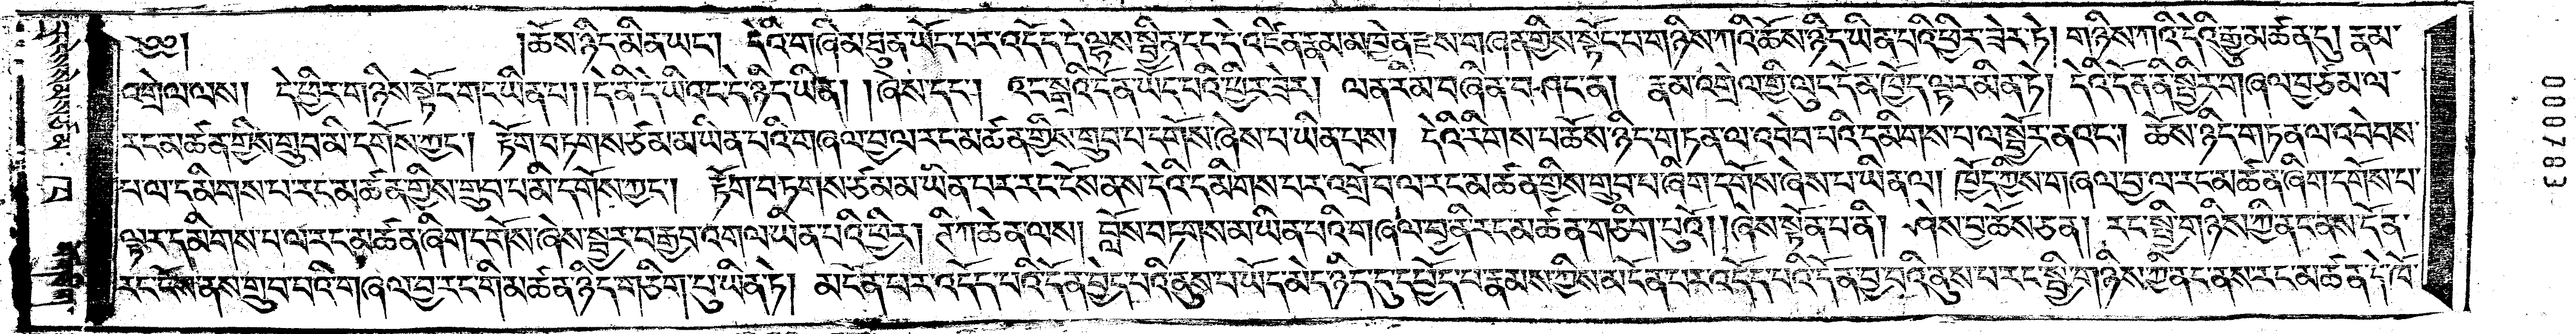༄༅། །ཆོས་ཉིད་མིན་ཡང་། དེའི་གཞི་མཐུན་ཡོད་པར་འདོད་དེ་ལྷས་སྦྱིན་དང་དེ་འཛིན་རྣམ་མཁྱེན་རྫས་གཞན་གྱིས་སྟོང་པ་གཉིས་ཀའི་ཆོས་ཉིད་ཡིན་པའི་ཕྱིར་ཟེར་ཏེ། གཉིས་ཀའི་དེའི་རྒྱུ་མཚན་དུ། རྣམ་
འགྲེལ་ལས། དེ་ཕྱིར་གཉིས་སྟོང་གང་ཡིན་པ། །དེ་ནི་དེ་ཡིའང་དེ་ཉིད་ཡིན། །ཞེས་དང་། འང་སྒྲའི་དོན་ཡོད་པའི་ཕྱིར་ཟེར། ལན་རིམ་བཞིན་བཤད་ན། རྣམ་འགྲེལ་གྱི་ལུང་དོན་ཁྱོད་ལྟར་མིན་ཏེ། དེའི་དོན་ནི་སྤྱིར་གཞལ་བྱ་ཙམ་ལ་
རང་མཚན་གྱིས་གྲུབ་མི་དགོས་ཀྱང་། རྟོག་བཏགས་ཙམ་མ་ཡིན་པའི་གཞལ་བྱ་ལ་རང་མཚན་གྱིས་གྲུབ་པ་དགོས་ཞེས་པ་ཡིན་པས། དེའི་རིགས་པ་ཆོས་ཉིད་གཏན་ལ་འབེབ་པའི་དམིགས་པ་ལ་སྦྱོར་ནའང་། ཆོས་ཉིད་གཏན་ལ་འབེབས་
པ་ལ་དམིགས་པ་རང་མཚན་གྱིས་གྲུབ་པ་མི་དགོས་ཀྱང་། རྟོག་བཏགས་ཙམ་མ་ཡིན་པར་རང་ངོས་ནས་དེའི་དམིགས་པར་འགྲོ་བ་ལ་རང་མཚན་གྱིས་གྲུབ་པ་ཞིག་དགོས་ཞེས་པ་ཡིན་ལ། ཁྱོད་ཀྱིས་གཞལ་བྱ་ལ་རང་མཚན་ཞིག་དགོས་པ་
ལྟར་དམིགས་པ་ལ་རང་མཚན་ཞིག་དགོས་ཞེས་སྦྱར་བ་རྒྱབ་འགལ་ཡིན་པའི་ཕྱིར། ཊིཀ་ཆེན་ལས། བློས་བཏགས་མ་ཡིན་པའི་གཞལ་བྱ་ནི་རང་མཚན་གཅིག་པུའོ། །ཞེས་སྟོན་པ་ནི། ཤེས་བྱ་ཆོས་ཅན། རང་སྤྱི་གཉིས་ཀྱི་ནང་ནས་དོན་
རང་ངོས་ནས་གྲུབ་པའི་གཞལ་བྱ་རང་གི་མཚན་ཉིད་གཅིག་པུ་ཡིན་ཏེ། མངོན་པར་འདོད་པའི་དོན་བྱེད་པའི་ནུས་པ་ཡོད་མེད་ཉིད་དུ་དཔྱོད་པ་རྣམས་ཀྱིས་མངོན་པར་འདོད་པའི་དོན་བྱ་བའི་ནུས་པ་རང་སྤྱི་གཉིས་ཀྱི་ནང་ནས་རང་མཚན་དེ་ཁོ་